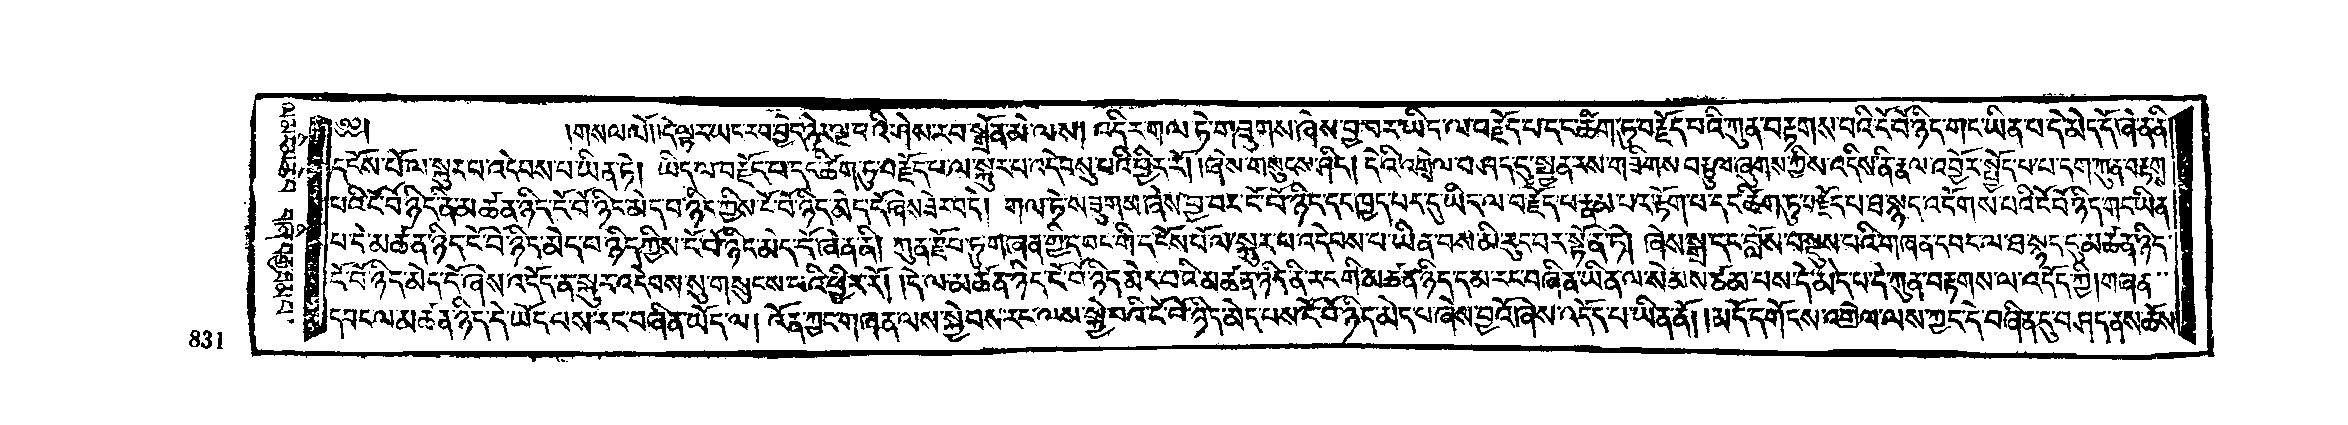༄༅། །གསལ་ལོ། །དེ་ལྟར་ཡང་རབ་བྱེད་ཉེར་ལྔ་པའི་ཤེས་རབ་སྒྲོན་མེ་ལས། འདིར་གལ་ཏེ་གཟུགས་ཞེས་བྱ་བར་ཡིད་ལ་བརྗོད་པ་དང་ཚིག་ཏུ་བརྗོད་པའི་ཀུན་བརྟགས་པའི་ངོ་བོ་ཉིད་གང་ཡིན་པ་དེ་མེད་དོ་ཞེ་ན་ནི་
དངོས་པོ་ལ་སྐུར་པ་འདེབས་པ་ཡིན་ཏེ། ཡིད་ལ་བརྗོད་པ་དང་ཚིག་ཏུ་བརྗོད་པ་ལ་སྐུར་པ་འདེབས་པའི་ཕྱིར་རོ། །ཞེས་གསུངས་ཤིང་། དེའི་འགྲེལ་བཤད་དུ་སྤྱན་རས་གཟིགས་བརྟུལ་ཞུགས་ཀྱིས་འདིས་ནི་རྣལ་འབྱོར་སྤྱོད་པ་པ་དག་ཀུན་བརྟགས་
པའི་ངོ་བོ་ཉིད་ནི་མཚན་ཉིད་ངོ་བོ་ཉིད་མེད་པ་ཉིད་ཀྱིས་ངོ་བོ་ཉིད་མེད་དོ་ཞེས་ཟེར་བ་དེ། གལ་ཏེ་གཟུགས་ཞེས་བྱ་བར་ངོ་བོ་ཉིད་དང་ཁྱད་པར་དུ་ཡིད་ལ་བརྗོད་པ་རྣམ་པར་རྟོག་པ་དང་ཚིག་ཏུ་བརྗོད་པ་ཐ་སྙད་འདོགས་པའི་ངོ་བོ་ཉིད་གང་ཡིན་
པ་དེ་མཚན་ཉིད་ངོ་བོ་ཉིད་མེད་པ་ཉིད་ཀྱིས་ངོ་བོ་ཉིད་མེད་དོ་ཞེ་ན་ནི། ཀུན་རྫོབ་ཏུ་གཞན་གྱི་དབང་གི་དངོས་པོ་ལ་སྐུར་པ་འདེབས་པ་ཡིན་པས་མི་རུང་བར་སྟོན་ཏེ། ཞེས་སྒྲ་དང་བློས་བསྡུས་པའི་གཞན་དབང་ལ་ཐ་སྙད་དུ་མཚན་ཉིད་
ངོ་བོ་ཉིད་མེད་དོ་ཞེས་འདོད་ན་སྐུར་འདེབས་སུ་གསུངས་པའི་ཕྱིར་རོ། །དེ་ལ་མཚན་ཉིད་ངོ་བོ་ཉིད་མེད་པའི་མཚན་ཉིད་ནི་རང་གི་མཚན་ཉིད་དམ་རང་བཞིན་ཡིན་ལ་སེམས་ཙམ་པས་དེ་མེད་པ་དེ་ཀུན་བརྟགས་ལ་འདོད་ཀྱི། གཞན་
དབང་ལ་མཚན་ཉིད་དེ་ཡོད་པས་རང་བཞིན་ཡོད་ལ། འོན་ཀྱང་གཞན་ལས་སྐྱེ་བས་རང་ལས་སྐྱེ་བའི་ངོ་བོ་ཉིད་མེད་པས་ངོ་བོ་ཉིད་མེད་པ་ཞེས་བྱའོ་ཞེས་འདོད་པ་ཡིན་ནོ། །མདོ་དགོངས་འགྲེལ་ལས་ཀྱང་དེ་བཞིན་དུ་བཤད་ནས་ཆོས་